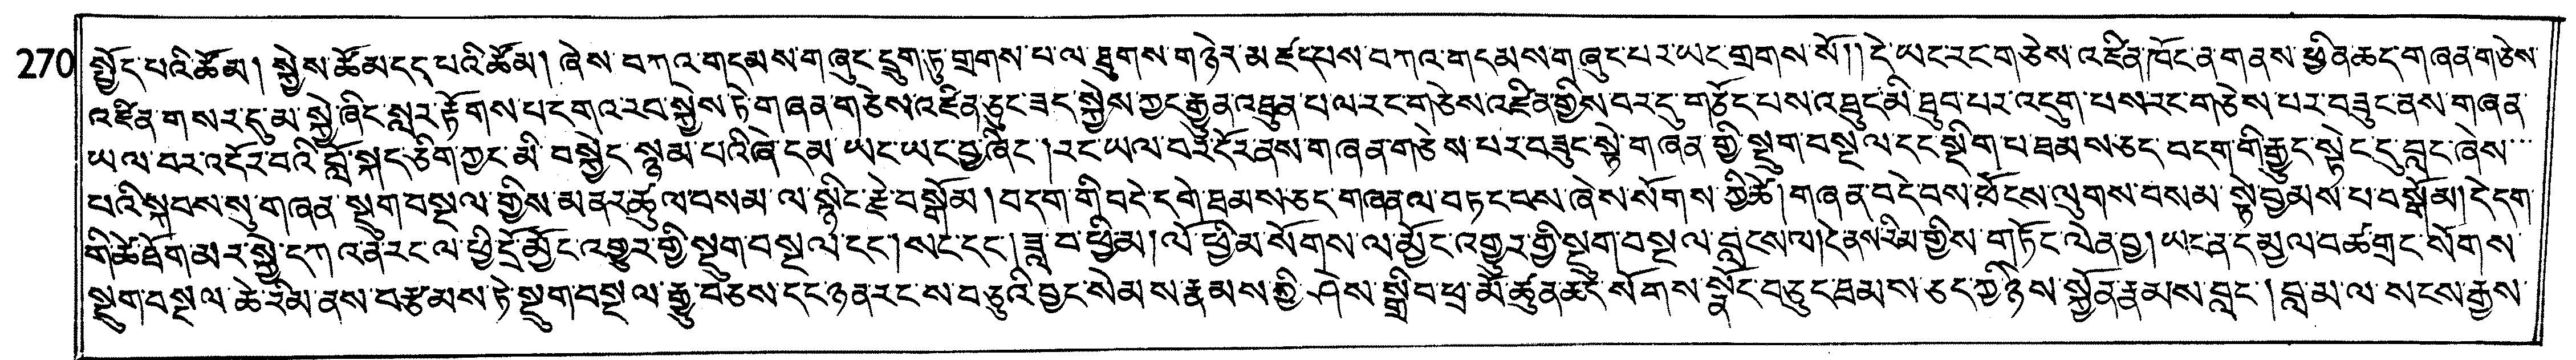སྤྱོད་པའི་ཚོམ། སྐྱེས་ཚོམ་དད་པའི་ཚོམ། ཞེས་བཀའ་གདམས་གཞུང་དྲུག་ཏུ་གྲགས་པ་ལ་ཐུགས་གཉེར་མཛད་པས་བཀའ་གདམས་གཞུང་པར་ཡང་གྲགས་སོ། །དེ་ཡང་རང་གཅེས་འཛིན་ཁོང་ན་གནས་ཕྱིན་ཆད་གཞན་གཅེས་
འཛིན་གསར་དུ་མ་སྐྱེ་ཞིང་སླར་རྟོགས་པ་དགའ་རབ་སྐྱེས་ཏེ་གཞན་གཅེས་འཛིན་ཅུང་ཟད་སྐྱེས་ཀྱང་རྒྱུན་འཐུན་པ་ལ་རང་གཅེས་འཛིན་གྱིས་བར་དུ་གཅོད་པས་འཐུད་མི་ཐུབ་པར་འདུག་པས་རང་གཅེས་པར་བཟུང་ནས་གཞན་
ཡལ་བར་འདོར་བའི་བློ་སྐད་ཅིག་ཀྱང་མི་བསྐྱེད་སྙམ་པའི་ཞེ་དམ་ཡང་ཡང་བྱ་ཞིང་། རང་ཡལ་བར་དོར་ནས་གཞན་གཅེས་པར་བཟུང་སྟེ་གཞན་གྱི་སྡུག་བསྔལ་དང་སྡིག་པ་ཐམས་ཅད་བདག་གི་རྒྱུད་སྟེང་དུ་བླང་ཞེས་
པའི་སྐབས་སུ་གཞན་སྡུག་བསྔལ་གྱིས་མནར་ཚུལ་བསམ་ལ་སྙིང་རྗེ་བསྒོམ། བདག་གི་བདེ་དགེ་ཐམས་ཅད་གཞན་ལ་བཏང་བས་ཞེས་སོགས་ཀྱི་ཚེ། གཞན་བདེ་བས་ཕོངས་ལུགས་བསམ་སྟེ་བྱམས་པ་བསྒོམ། དེ་དག་
གི་ཚེ་ཐོག་མར་སྐྱེ་དཀའ་ན་རང་ལ་ཕྱི་དྲོ་མྱོང་འགྱུར་གྱི་སྡུག་བསྔལ་དང་། སང་དང་། ཟླ་བ་ཕྱི་མ། ལོ་ཕྱི་མ་སོགས་ལ་མྱོང་འགྱུར་གྱི་སྡུག་བསྔལ་བླངས་ལ། དེ་ནས་རིམ་གྱིས་གཏོང་ལེན་བྱ། ཡང་ན་དམྱལ་བ་ཚ་གྲང་སོགས་
སྡུག་བསྔལ་ཆེ་རིམ་ནས་བརྩམས་ཏེ་སྡུག་བསྔལ་རྒྱུ་བཅས་དང་ཉན་རང་ས་བཅུའི་བྱང་སེམས་རྣམས་ཀྱི་ཤེས་སྒྲིབ་ཕྲ་མོ་ཚུན་ཆད་སོགས་སྣོད་བཅུད་ཐམས་ཅད་ཀྱི་ཉེས་སྐྱོན་རྣམས་བླང་། བླ་མ་ལ་སངས་རྒྱས་